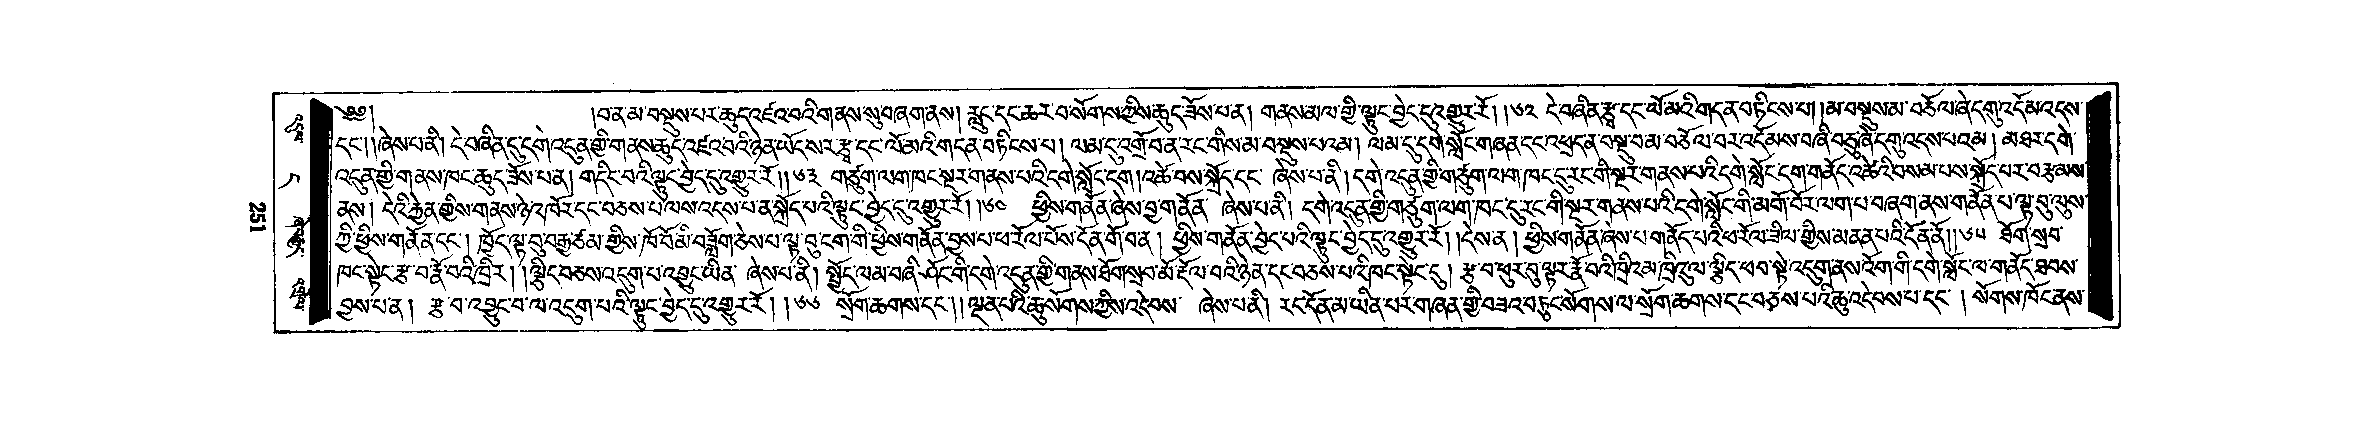༄༅། །བ་ན་མ་བསྡུས་པར་ཆུད་འཛའ་བའི་གནས་སུ་བཞག་ནས། རླུང་དང་ཆར་བ་སོགས་ཀྱིས་ཆུད་ཟོས་པ་ན། གནས་མལ་གྱི་ལྟུང་བྱེད་དུ་འགྱུར་རོ། །དེ་བཞིན་རྩྭ་དང་ལོ་མའི་གདན་བཏིངས་པ། །མ་བསྡུས་མ་བཅོལ་ཞེ་དགུ་འདོམ་འདས་
དང་། །ཞེས་པ་ནི། དེ་བཞིན་དུ་དགེ་འདུན་གྱི་གནས་ཆུད་འཛའ་བའི་ཉེན་ཡོད་སར་རྩྭ་དང་ལོ་མའི་གདན་བཏིངས་པ། ལམ་དུ་འགྲོ་བ་ན་རང་གིས་མ་བསྡུས་པའམ། ལམ་དུ་དགེ་སློང་གཞན་དང་འཕྲད་ན་བསྡུ་བ་མ་བཅོལ་བར་འདོམས་བཞི་བཅུ་ཞེ་དགུ་འདས་པའམ། མཐར་དགེ་
འདུན་གྱི་གནས་ཁང་ཆུད་ཟོས་པ་ན། གདིང་བའི་ལྟུང་བྱེད་དུ་འགྱུར་རོ། །གཙུག་ལག་ཁང་སྔར་གནས་པའི་དགེ་སློང་དག །འཚེ་བས་སྐྲོད་དང་ཞེས་པ་ནི། དགེ་འདུན་གྱི་གཙུག་ལག་ཁང་དུ་རང་གི་སྔར་གནས་པའི་དགེ་སློང་དག་གནོད་འཚེའི་བསམ་པས་སྐྲོད་པར་བརྩམས་
ནས། དེའི་རྐྱེན་གྱིས་གནས་ཉེ་འཁོར་དང་བཅས་པ་ལས་འདས་པ་ན་སྐྲོད་པའི་ལྟུང་བྱེད་དུ་འགྱུར་རོ། །ཕྱིས་གནོན་ཞེས་བྱ་གནོན་ཞེས་པ་ནི། དགེ་འདུན་གྱི་གཙུག་ལག་ཁང་དུ་རང་གི་སྔར་གནས་པའི་དགེ་སློང་གི་མགོ་བོར་ལག་པ་བཞག་ནས་གནོན་པ་ལྟ་བུ་ལུས་
ཀྱི་ཕྱིས་གནོན་དང་། ཁྱོད་ལྟ་བུ་བརྒྱ་ཙམ་གྱིས་ཁོ་བོ་མི་བཟློག་ཅེས་པ་ལྟ་བུ་ངག་གི་ཕྱིས་གནོན་བྱས་པ་ཕ་རོལ་པོས་དོན་གོ་བ་ན། ཕྱིས་གནོན་བྱེད་པའི་ལྟུང་བྱེད་དུ་འགྱུར་རོ། །དེས་ན། ཕྱིས་གནོན་ཞེས་པ་གནོད་པའི་ཕ་རོལ་ཟིལ་གྱིས་མནན་པའི་དོན་ནོ། །ཐོག་སྲབ་
ཁང་སྟེང་རྩ་བ་རྣོ་བའི་ཁྲིར། །ལྕིད་བཅས་འདུག་པ་འབྱུང་ཡིན་ཞེས་པ་ནི། སྤྱོད་ལམ་བཞི་ཤོང་གི་དགེ་འདུན་གྱི་གནས་ཐོག་སྲབ་མོ་རྡོལ་བའི་ཉེན་དང་བཅས་པའི་ཁང་སྟེང་དུ། རྩ་བ་ཕུར་བུ་ལྟར་རྣོ་བའི་ཁྲིའམ་ཁྲིའུ་ལ་ལྕིད་ཕབ་སྟེ་འདུག་ནས་འོག་གི་དགེ་སློང་ལ་གནོད་ཐབས་
བྱས་པ་ན། རྩ་བ་འབྱུང་བ་ལ་འདུག་པའི་ལྟུང་བྱེད་དུ་འགྱུར་རོ། །སྲོག་ཆགས་དང་། །ལྡན་པའི་ཆུ་སོགས་ཀྱིས་འདེབས་ཞེས་པ་ནི། རང་དོན་མ་ཡིན་པར་གཞན་གྱི་བཟའ་བཏུང་སོགས་ལ་སྲོག་ཆགས་དང་བཅས་པའི་ཆུ་འདེབས་པ་དང་། སོགས་ཁོང་ནས་